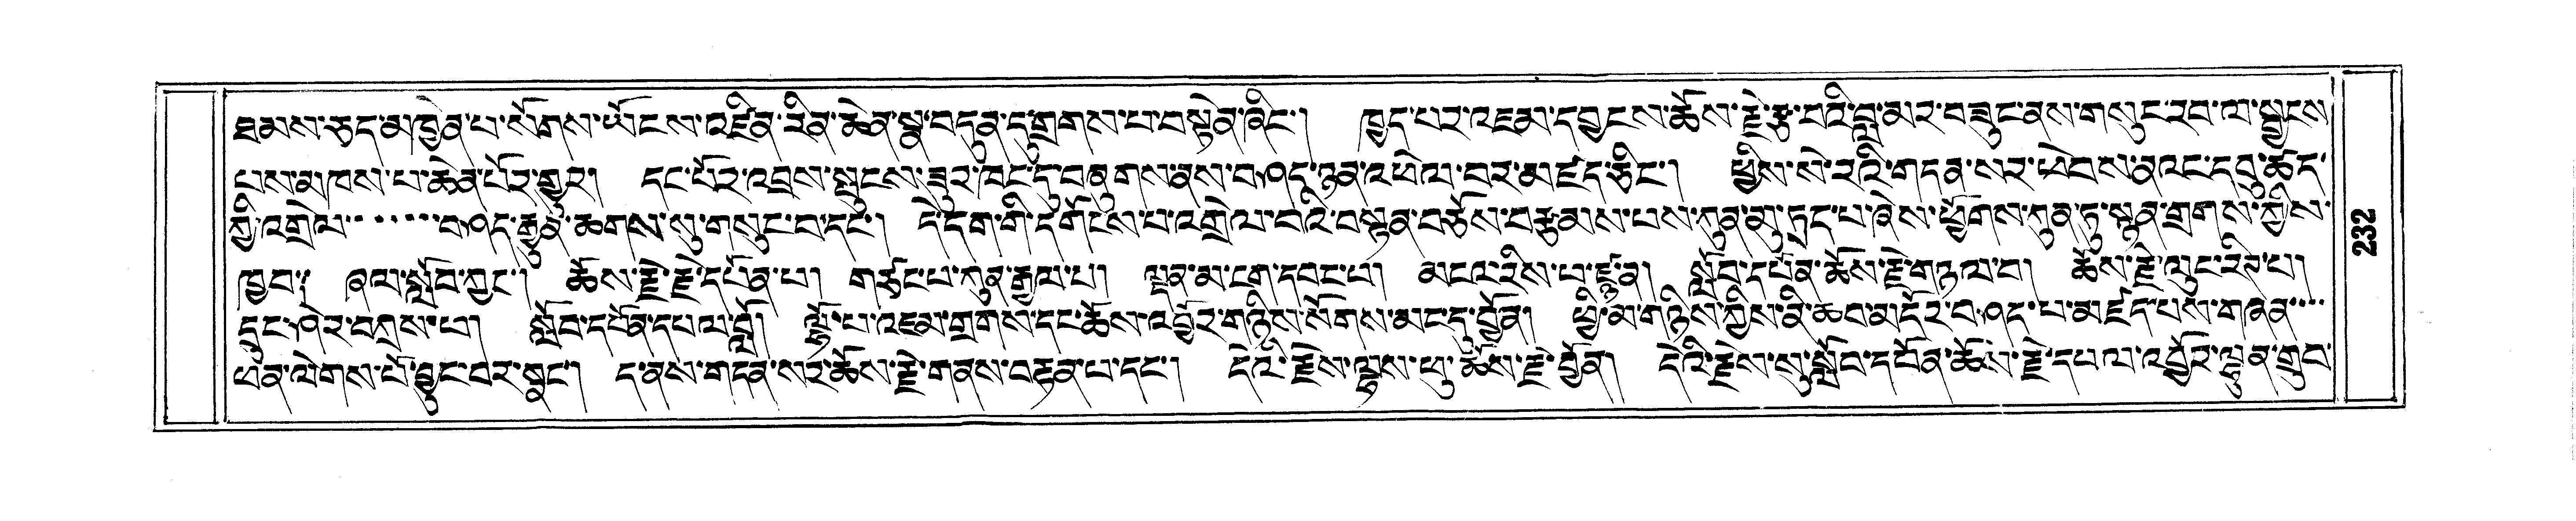ཐམས་ཅད་མཁྱེན་པ་སོགས་ཡོངས་འཛིན་རིན་ཆེན་སྣ་བདུན་དུ་གྲགས་པ་བསྟེན་ཞིང་། ཁྱད་པར་འཇམ་དབྱངས་ཆོས་རྗེ་རྩ་བའི་བླ་མར་བཟུང་ནས་གསུང་རབ་ལ་སྦྱངས་
པས་མཁས་པ་ཆེན་པོར་གྱུར། དང་པོར་འབྲས་སྤུངས་ཟུར་ཁང་དུ་བཞུགས་ནས་བཤད་ཉན་འཕེལ་བར་མཛད་ཅིང་། ཕྱིས་སེ་རའི་གདན་སར་ཕེབས་ནའང་དབུ་ཚད་
ཀྱི་འགྲེལ་བཤད་རྒྱུན་ཆགས་སུ་གསུང་བ་དང་། དེ་དག་གི་དགོངས་པ་འགྲེལ་བའི་བསྟན་བཅོས་བརྩམས་པས་ཀུན་ཏུ་ཏྲད་པ་ཞེས་ཕྱོགས་ཀུན་ཏུ་སྙན་གྲགས་ཀྱིས་
ཁྱབ༑ ཞལ་སློབ་ཀྱང་། ཆོས་རྗེ་རྗེ་དཔོན་པ། གཙང་པ་ཀུན་རྒྱལ་པ། ལྡན་མ་ངག་དབང་པ། མངའ་རིས་པ་ཛྙ་ན། སློབ་དཔོན་ཆོས་རྗེ་གཉལ་བ། ཆོས་རྗེ་ལུང་རིཊ་པ།
དྲུང་ཤེར་བཀྲས་པ། སློབ་དཔོན་དཔལ་བློ། ལྷོ་པ་འཇམ་གྲགས་དང་ཆོས་འབྱོར་གཉིས་སོགས་མང་དུ་བྱོན། ཕྱི་མ་གཉིས་ཀྱིས་ནི་ཆབ་མདོར་བཤད་པ་མཛད་པས་གཞན་
ཕན་ལེགས་པོ་བྱུང་བར་སྣང་། ད་ནས་གདན་སར་ཆོས་རྗེ་གནས་བརྟན་པ་དང་། དེའི་རྗེས་ལྷས་ཕུ་ཆོས་རྗེ་བྱོན། དེའི་རྗེས་སུ་སློབ་དཔོན་ཆོས་རྗེ་དཔལ་འབྱོར་ལྷུན་གྲུབ་